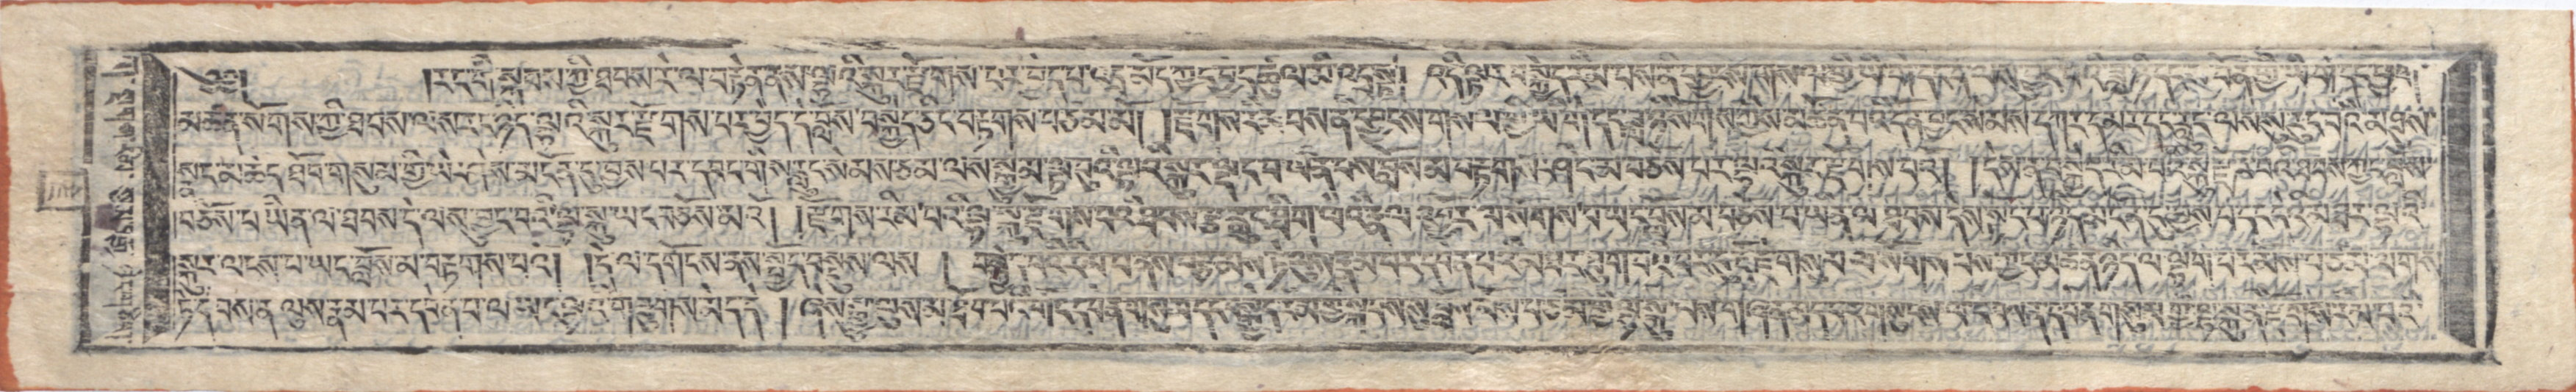༄༅། །རང་གི་སྐབས་ཀྱི་ཐབས་རེ་ལ་བརྟེན་ནས་ལྷའི་སྐུར་རྫོགས་པར་བྱེད་པ་འདྲ་མོད་ཀྱང་བྱེད་ཚུལ་མི་འདྲ་སྟེ། འདི་ལྟར་བསྐྱེད་རིམ་པས་ནི་དབྱངས་གསལ་གྱི་ཡི་གེ་དང་དེ་ལས་བྱུང་བའི་ཟླ་ཉི་དང་ས་བོན་གྱི་ཡི་གེ་དང་ཕྱག་
མཚན་སོགས་ཀྱི་ཐབས་ལས་རང་ཉིད་ལྷའི་སྐུར་རྫོགས་པར་བྱེད་དེ་བློས་བསྐྱེད་ཅིང་བརྟགས་པ་ཙམ་མོ། །རྫོགས་རིམ་པས་ནི་དབྱངས་གསལ་གྱི་ཡི་གེ་དང་ཟླ་ཉི་སོགས་ཀྱིས་མཚོན་པའི་དོན་བྱང་སེམས་དཀར་དམར་དང་རླུང་ལས་སུ་རུང་བའི་མཐུས་
སྣང་མཆེད་ཐོབ་གསུམ་གྱི་ཡེ་ཤེས་མངོན་དུ་བྱས་པར་དབང་གིས་རླུང་སེམས་ཙམ་ལས་སྒྱུ་མ་ལྟ་བུའི་ལྷའི་སྐུར་ལྡང་བ་ཡིན་པས་བློས་མ་བརྟགས་ཤིང་མ་བཅོས་པར་ལྷའི་སྐུར་རྫོགས་པའོ། །དེས་ན་བསྐྱེད་རིམ་པའི་སྐུ་རྫོགས་པའི་ཐབས་ཀྱང་བློས་
བཅོས་པ་ཡིན་ལ་ཐབས་དེ་ལས་བྱུང་བའི་ལྷ་སྐུ་ཡང་བཅོས་མའོ། །རྫོགས་རིམ་པའི་ལྷ་སྐུ་རྫོགས་པའི་ཐབས་རྩ་རླུང་ཐིག་ལེའི་རྣལ་འབྱོར་ལ་སོགས་པ་ཡང་བློས་མ་བཅོས་པ་ཡིན་ལ་ཐབས་དེས་སྟོང་པ་ཉིད་མངོན་དུ་བྱས་པ་དང་དེའི་མཐར་ལྷའི་
སྐུར་ལངས་པ་ཡང་བློས་མ་བརྟགས་པའོ། །དེ་ལ་དགོངས་ནས་སྤྱོད་བསྡུས་ལས། བསྐྱེད་བའི་རིམ་པ་ནས་བརྩམས་ཏེ་ལུས་རྣམ་པར་དབེན་པའི་མཐར་ཐུག་པའི་བར་དུ་རྡོ་རྗེ་གསུམ་ལ་སོགས་པས་ཀྱང་མཚན་ཉིད་ལ་ལྷག་པར་མོས་པ་ཙམ་ལགས་
ཏེ་དེ་བས་ན་ལུས་རྣམ་པར་དབེན་པ་ལ་ཡང་ལྷའི་གཟུགས་མེད་དེ། ཞེས་སྒྱུ་ལུས་མ་ཐོབ་པའི་གོང་དབེན་གསུམ་དང་བསྐྱེད་རིམ་གྱི་སྐབས་སུ་བློས་མོས་པ་ཙམ་གྱི་ལྷ་སྐུ་ལས་གཞན་མེད་པར་གསུངས་ལ་དེ་བས་ན་དབེན་གསུམ་གྱི་ལྷ་སྐུ་ནི་རྫོགས་རིམ་པའི་